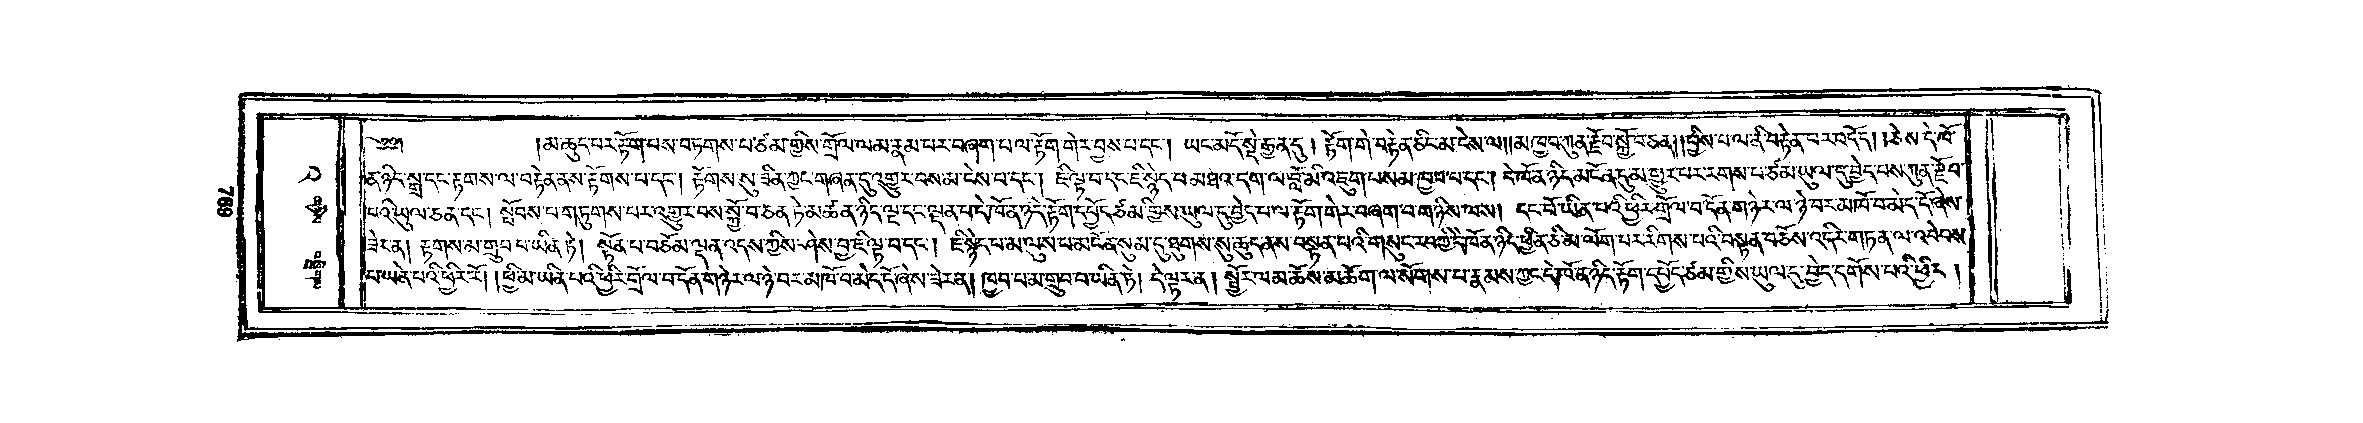༄༅། །མ་ཆུད་པར་རྟོག་པས་བཏགས་པ་ཙམ་གྱིས་གྲོལ་ལམ་རྣམ་པར་བཞག་པ་ལ་རྟོག་གེར་བྱས་པ་དང་། ཡང་མདོ་སྡེ་རྒྱན་དུ། རྟོག་གེ་བརྟེན་ཅིང་མ་ངེས་ལ། །མ་ཁྱབ་ཀུན་རྫོབ་སྐྱོ་བ་ཅན། །བྱིས་པ་ལ་ནི་བརྟེན་པར་འདོད། །ཅེས་དེ་ཁོ་
ན་ཉིད་སྒྲ་དང་རྟགས་ལ་བརྟེན་ནས་རྟོགས་པ་དང་། རྟོགས་སུ་ཟིན་ཀྱང་གཞན་དུ་འགྱུར་བས་མ་ངེས་པ་དང་། ཇི་ལྟ་བ་དང་ཇི་སྙེད་པ་མཐའ་དག་ལ་བློ་མི་འཇུག་བསམ་ཁྱབ་པ་དང་། དེ་ཁོ་ན་ཉིད་མངོན་དུ་མ་གྱུར་པར་རགས་པ་ཙམ་ཡུལ་དུ་བྱེད་པས་ཀུན་རྫོབ་
པའི་ཡུལ་ཅན་དང་། སྤོབས་པ་གཏུགས་པར་འགྱུར་བས་སྐྱོ་བ་ཅན་ཏེ་མཚན་ཉིད་ལྔ་དང་ལྡན་པ་དེ་ཁོ་ན་ཉིད་རྟོག་དཔྱོད་ཙམ་གྱིས་ཡུལ་དུ་བྱེད་པ་ལ་རྟོག་གེར་བཞག་པ་གཉིས་ལས། དང་པོ་ཡིན་པའི་ཕྱིར་གྲོལ་བ་དོན་གཉེར་ལ་ཉེ་བར་མཁོ་བ་མེད་དོ་ཞེས་
ཟེར་ན། རྟགས་མ་གྲུབ་པ་ཡིན་ཏེ། སྟོན་པ་བཅོམ་ལྡན་འདས་ཀྱིས་ཤེས་བྱ་ཇི་ལྟ་བ་དང་། ཇི་སྙེད་པ་མ་ལུས་པ་མངོན་སུམ་དུ་ཐུགས་སུ་ཆུད་ནས་བསྟན་པའི་གསུང་རབ་ཀྱི་དེ་ཁོ་ན་ཉིད་ཕྱིན་ཅི་མ་ལོག་པར་རིགས་པའི་བསྟན་བཅོས་འདིར་གཏན་ལ་འབེབས་
པ་ཡིན་པའི་ཕྱིར་རོ། །ཕྱི་མ་ཡིན་པའི་ཕྱིར་གྲོལ་བ་དོན་གཉེར་ལ་ཉེ་བར་མཁོ་བ་མེད་དོ་ཞེས་ཟེར་ན། ཁྱབ་པ་མ་གྲུབ་བ་ཡིན་ཏེ། དེ་ལྟར་ན། སྦྱོར་ལམ་ཆོས་མཆོག་ལ་སོགས་པ་རྣམས་ཀྱང་དེ་ཁོ་ན་ཉིད་རྟོག་དཔྱོད་ཙམ་གྱིས་ཡུལ་དུ་བྱེད་དགོས་པའི་ཕྱིར།